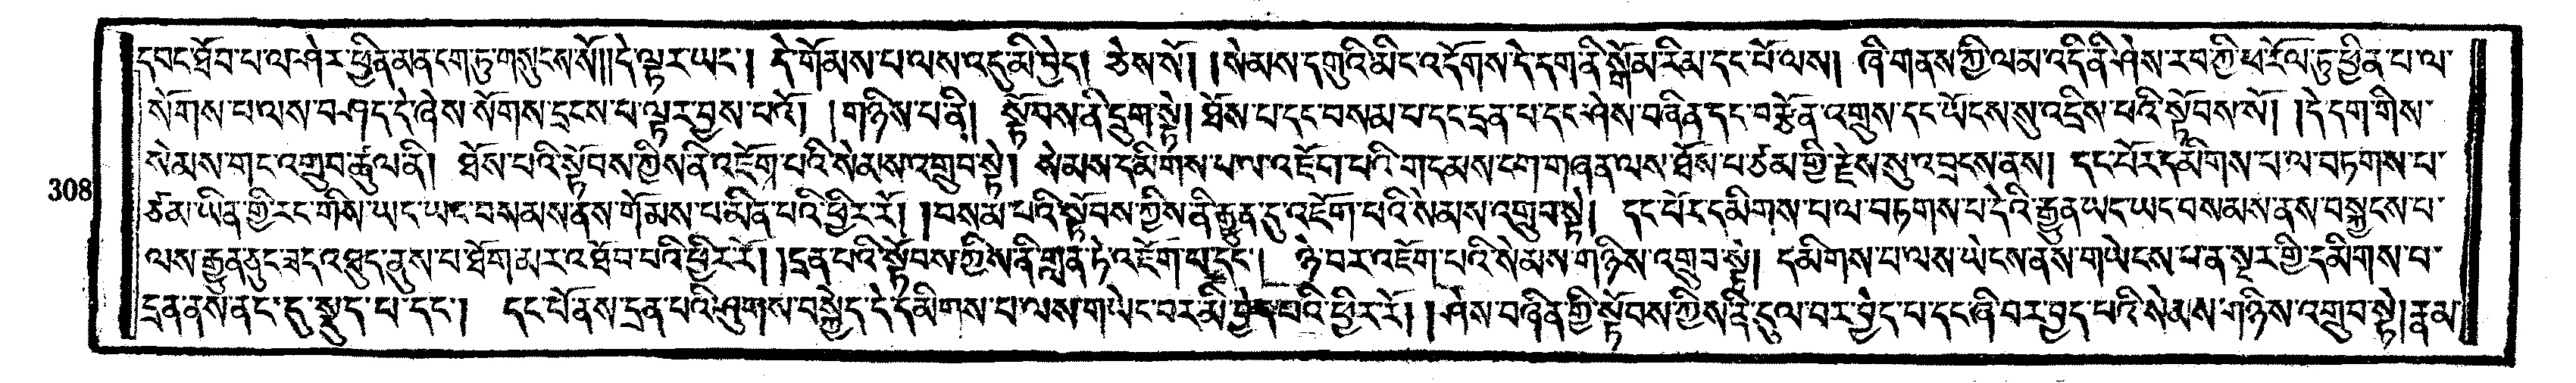དབང་ཐོབ་པ་ལ་ཤེར་ཕྱིན་མན་ངག་ཏུ་གསུངས་སོ། །དེ་ལྟར་ཡང་། དེ་གོམས་པ་ལས་འདུ་མི་བྱེད། ཅེས་སོ། །སེམས་དགུའི་མིང་འདོགས་དེ་དག་ནི་སྒོམ་རིམ་དང་པོ་ལས། ཞི་གནས་ཀྱི་ལམ་འདི་ནི་ཤེས་རབ་ཀྱི་ཕ་རོལ་ཏུ་ཕྱིན་པ་ལ་
སོགས་པ་ལས་བཤདྡེ་ཞེས་སོགས་དྲངས་པ་ལྟར་བྱས་པའོ། །གཉིས་པ་ནི། སྟོབས་ནིདྲུག་སྟེ། ཐོས་པ་དང་བསམ་པ་དང་དྲན་པ་དང་ཤེས་བཞིནྡང་བརྩོན་འགྲུས་དང་ཡོངས་སུ་འདྲིས་པའི་སྟོབས་སོ། །དེ་དག་གིས་
སེམས་གང་འགྲུབ་ཚུལ་ནི། ཐོས་པའི་སྟོབས་ཀྱིས་ནི་འཇོག་པའི་སེམས་འགྲུབ་སྟེ། སེམས་དམིགས་པ་ལ་འཇོག་པའི་གདམས་ངག་གཞན་ལས་ཐོས་པ་ཙམ་གྱི་རྗེས་སུ་འབྲངས་ནས། དང་པོར་དམིགས་པ་ལ་བཏགས་པ་
ཙམ་ཡིན་གྱི་རང་གིས་ཡང་ཡང་བསམས་ནས་གོམས་པ་མིན་པའི་ཕྱིར་རོ། །བསམ་པའི་སྟོབས་ཀྱིས་ནི་རྒྱུན་དུ་འཇོག་པའི་སེམས་འགྲུབ་སྟེ། དང་པོར་དམིགས་པ་ལ་བཏགས་པ་དེའི་རྒྱུན་ཡང་ཡང་བསམས་ནས་བསྐྱངས་པ་
ལས་རྒྱུན་ཅུང་ཟད་འཐུད་ནུས་པ་ཐོག་མར་འཐོབ་པའི་ཕྱིར་རོ། །དྲན་པའི་སྟོབས་ཀྱིས་ནི་གླན་ཏེ་འཇོག་པ་དང་། ཉེ་བར་འཇོག་པའི་སེམས་གཉིས་འགྲུབ་སྟེ། དམིགས་པ་ལས་ཡེངས་ནས་གཡེངས་པ་ན་སྔར་གྱི་དམིགས་པ་
དྲན་ནས་ནང་དུ་སྡུད་པ་དང་། དང་པོ་ནས་དྲན་པའི་ཤུགས་བསྐྱེད་དེ་དམིགས་པ་ལས་གཡེང་བར་མི་བྱེད་བའི་ཕྱིར་རོ། །ཤེས་བཞིན་གྱི་སྟོབས་ཀྱིས་ནི་དུལ་བར་བྱེད་པ་དང་ཞི་བར་བྱད་པའི་སེམས་གཉིས་འགྲུབ་སྟེ། རྣམ་